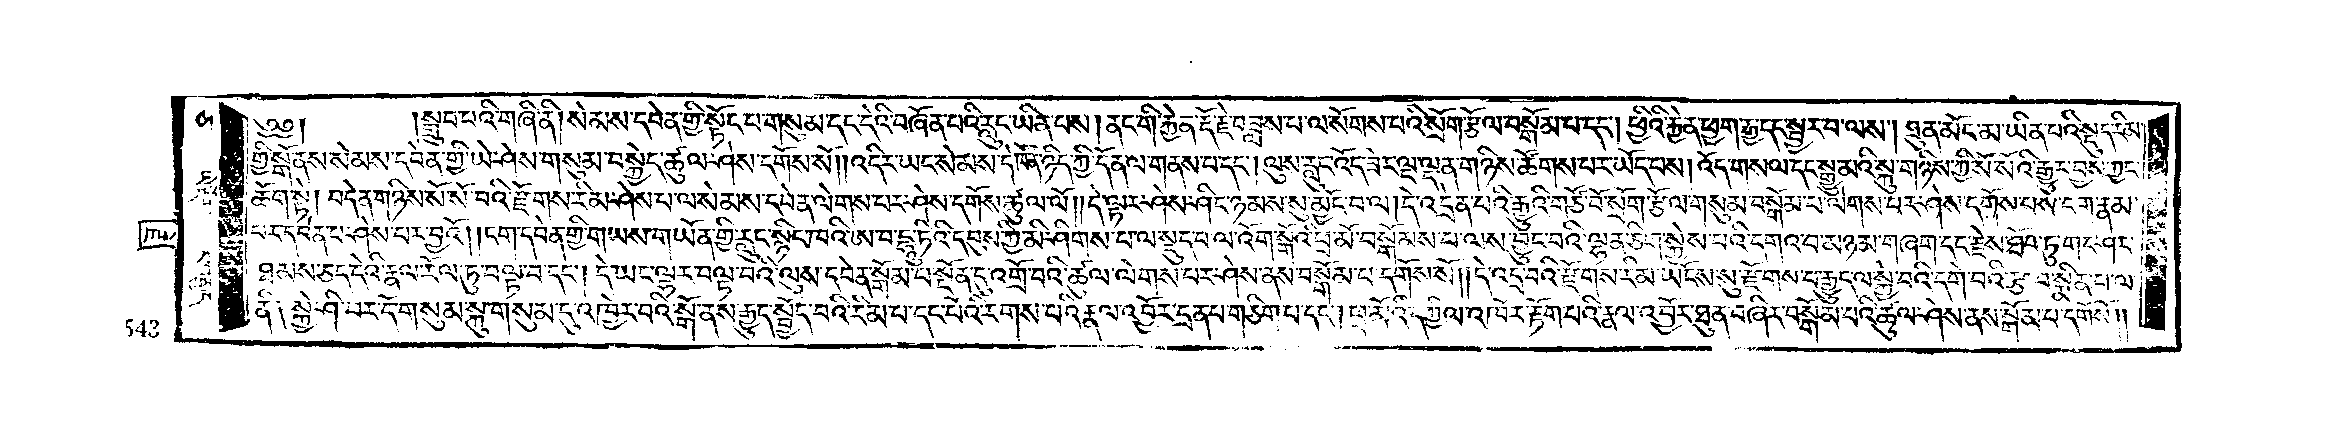༄༅། །སྒྲུབ་པའི་གཞི་ནི། སེམས་དབེན་གྱི་སྟོང་པ་གསུམ་དང་དེའི་བཞོན་པའི་རླུང་ཡིན་པས། ནང་གི་རྐྱེན་རྡོ་རྗེ་བཟླས་པ་ལ་སོགས་པའི་སྲོག་རྩོལ་བསྒོམ་པ་དང་། ཕྱིའི་རྐྱེན་ཕྱག་རྒྱ་དང་སྦྱར་བ་ལས། ཐུན་མོང་མ་ཡིན་པའི་སྡུད་རིམ་
གྱི་སྒོ་ནས་སེམས་དབེན་གྱི་ཡེ་ཤེས་གསུམ་བསྐྱེད་ཚུལ་ཤེས་དགོས་སོ། །འདིར་ཡང་སེམས་དེ་ཁོ་ན་ཉིད་ཀྱི་དོན་ལ་གནས་པ་དང་། ལུས་རླུང་འོད་ཟེར་ལྔ་ལྡན་གཉིས་ཚོགས་པར་ཡོད་པས། འོད་གསལ་དང་སྒྱུ་མའི་སྐུ་གཉིས་ཀྱི་སོ་སོའི་རྒྱུར་བྱས་ཀྱང་
ཆོག་སྟེ། བདེན་གཉིས་སོ་སོ་བའི་རྫོགས་རིམ་ཤེས་པ་ལ་སེམས་དབེན་ལེགས་པར་ཤེས་དགོས་ཚུལ་ལོ། །དེ་ལྟར་ཤེས་ཤིང་ཉམས་སུ་མྱོང་བ་ལ། དེ་འདྲེན་པའི་རྒྱུའི་གཙོ་བོ་སྲོག་རྩོལ་གསུམ་བསྒོམ་པ་ལེགས་པར་ཤེས་དགོས་པས་ངག་རྣམ་
པར་དབེན་པ་ཤེས་པར་བྱའོ། །ངག་དབེན་གྱི་གཡས་གཡོན་གྱི་རླུང་སྙིང་ཁའི་ཨ་བ་དྷཱུ་ཏིའི་དབུས་ཀྱི་མི་ཤིགས་པ་ལ་སྡུད་པ་ལ་འོག་སྒོའི་ཕྲ་མོ་བསྒོམས་པ་ལས་བྱུང་བའི་ལྷན་ཅིག་སྐྱེས་པའི་དགའ་བ་མཉམ་གཞག་དང་རྗེས་ཐོབ་ཏུ་གང་ཤར་
ཐམས་ཅད་དེའི་རྣལ་རོལ་ཏུ་བལྟ་བ་དང་། དེ་ཡང་ལྷར་བལྟ་བའི་ལུས་དབེན་སྒོམ་པ་སྔོན་དུ་འགྲོ་བའི་ཚུལ་ལེགས་པར་ཤེས་ནས་བསྒོམ་པ་དགོས་སོ། །དེ་འདྲ་བའི་རྫོགས་རིམ་ཡོངས་སུ་རྫོགས་པ་རྒྱུད་ལ་སྐྱེ་བའི་དགེ་བའི་རྩ་བ་སྨིན་པ་ལ་
ནི། སྐྱེ་ཤི་བར་དོ་གསུམ་སྐུ་གསུམ་དུ་འཁྱེར་བའི་སྒོ་ནས་རྒྱུད་སྦྱོང་བའི་རིམ་པ་དང་པོའི་རགས་པའི་རྣལ་འབྱོར་དྲན་པ་གཅིག་པ་དང་། ཕྲ་མོའི་དཀྱིལ་འཁོར་རྟོག་པའི་རྣལ་འབྱོར་ཐུན་བཞིར་བསྒོམ་པའི་ཚུལ་ཤེས་ནས་སྒོམ་པ་དགོས་སོ། །